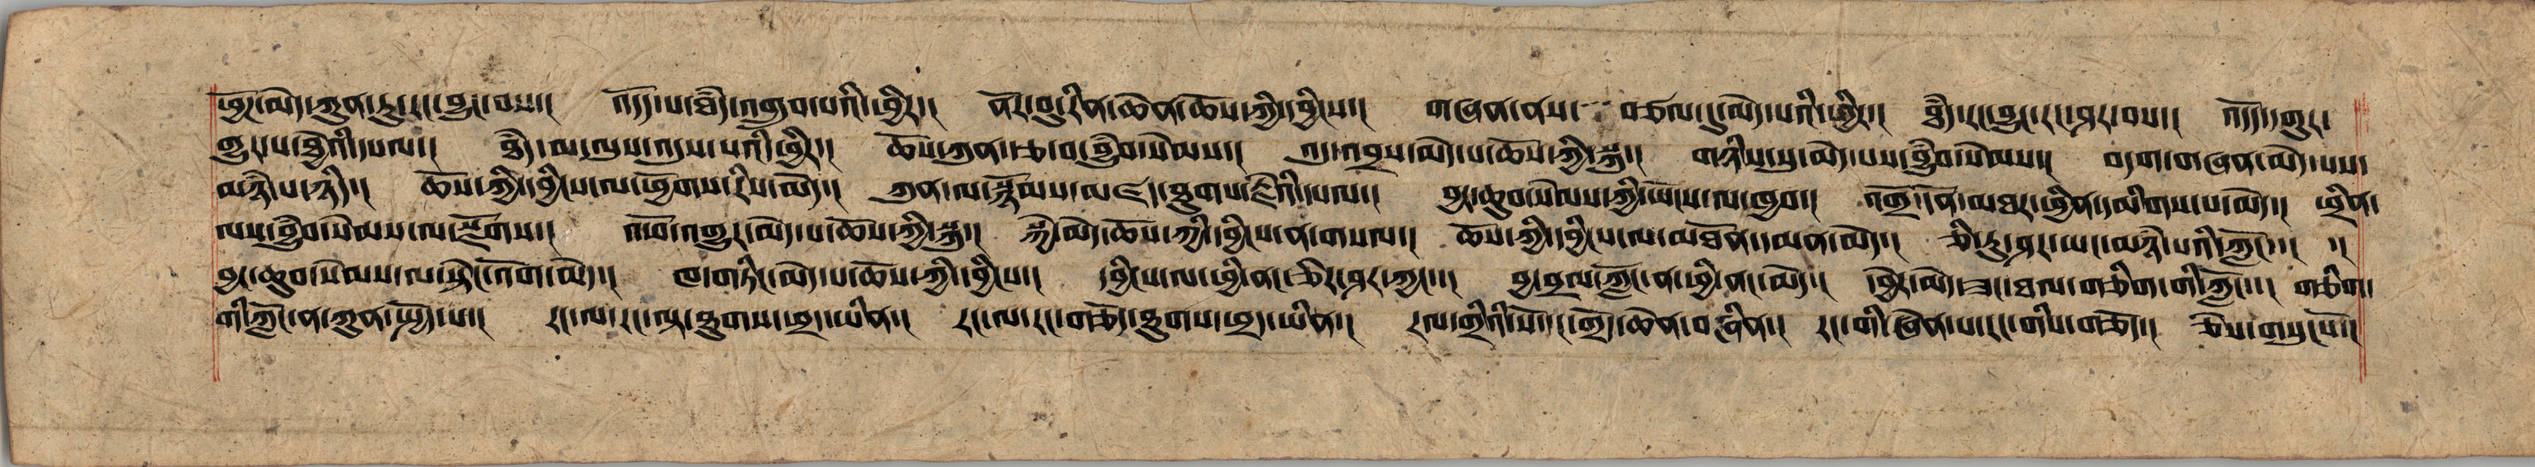ཕྱོཌ་མེད་ཀུན་ཏུ་རང་བྱུང་བས་། འདོད་པ་ཐཾད་འགྲུབ་པའི་ཕྱིར་། ནོར་བུ་རིན་ཆེན་ཆོས་ཀྱི་དབྱིངས་། གཞན་ནས་བཙལ་དུ་མེད་པའི་ཕྱིར་། ཐཾད་རང་བྱུང་རང་ཤར་བས་། འདོད་དགུར་
གྱུར་པ་ཐྱེའི་དཔལ་། ཐཾད་མ་ལུས་འདུས་པའི་ཕྱིར་། ཆོས་ཀུན་རྩ་བ་བྱུཾབ་སེམས་། འདུ་འབྲས་མེད་པ་ཆོས་ཀྱི་སྐུ་། གཉིས་སུ་མེད་པས་བྱུཾབ་སེམས་། བདག་གཞན་མེད་པས་
མཉཾ་པ་ཉིད་། ཆོས་ཀྱི་དབྱིངས་ལ་ཕྱོགས་རིས་མེད་། ཀུན་ལ་སྙོམས་མཛད་ཐུགས་རྗེའི་དཔལ་། བྱང་ཆུབ་སེམས་ཀྱི་ཡོངས་ལ་ཁྱབ་། འགྲོ་དོན་མཐར་ཕྱིན་དམིགས་པ་མེད་། ཕྲིན་
ལས་བྱུཾབ་སེམས་ལ་སྫོགས་། འཕོ་འགྱུར་མེད་པ་ཆོས་ཀྱི་སྐུ་། སྐྱེ་མེད་ཆོས་ཀྱི་དབྱིངས་ན་གསལ་། ཆོས་ཀྱི་དབྱིངས་ལ་མཐོན་དམན་མེད་། ཅི་རུ་ཤར་ཡང་མཉཾ་པའི་ཀློང་་། ་།
བྱང་ཆུབ་སེམས་ལ་སྟེང་འོག་མེད་། ཁ་གཏིང་མེད་པ་ཆོས་ཀྱི་དབྱིངས་། དབྱིངས་ལ་ཕྱི་ནང་ཅིར་ཤར་ཀྱང་་། བྱ་བྲལ་ཀློང་ན་ཕྱི་ནང་མེད་། དབྱེར་མེད་ཟང་ཐལ་གཅིག་གི་ཀློང་་། གཅིག་
གི་ཀློང་ན་ཀུན་སྤྱོད་པ་། རང་ལ་རང་ལྟ་ཐུགས་ཕྲད་ཡིན་། རང་ལ་རང་གཅོད་ཐུགས་ཕྲད་ཡིན་། རལ་གྲིའི་སོ་དང་གྲོད་ཆེན་བཞིན་། རང་གི་ཞེན་པ་རང་གིས་གཅོད་། ཅེས་གསུངསོ་།